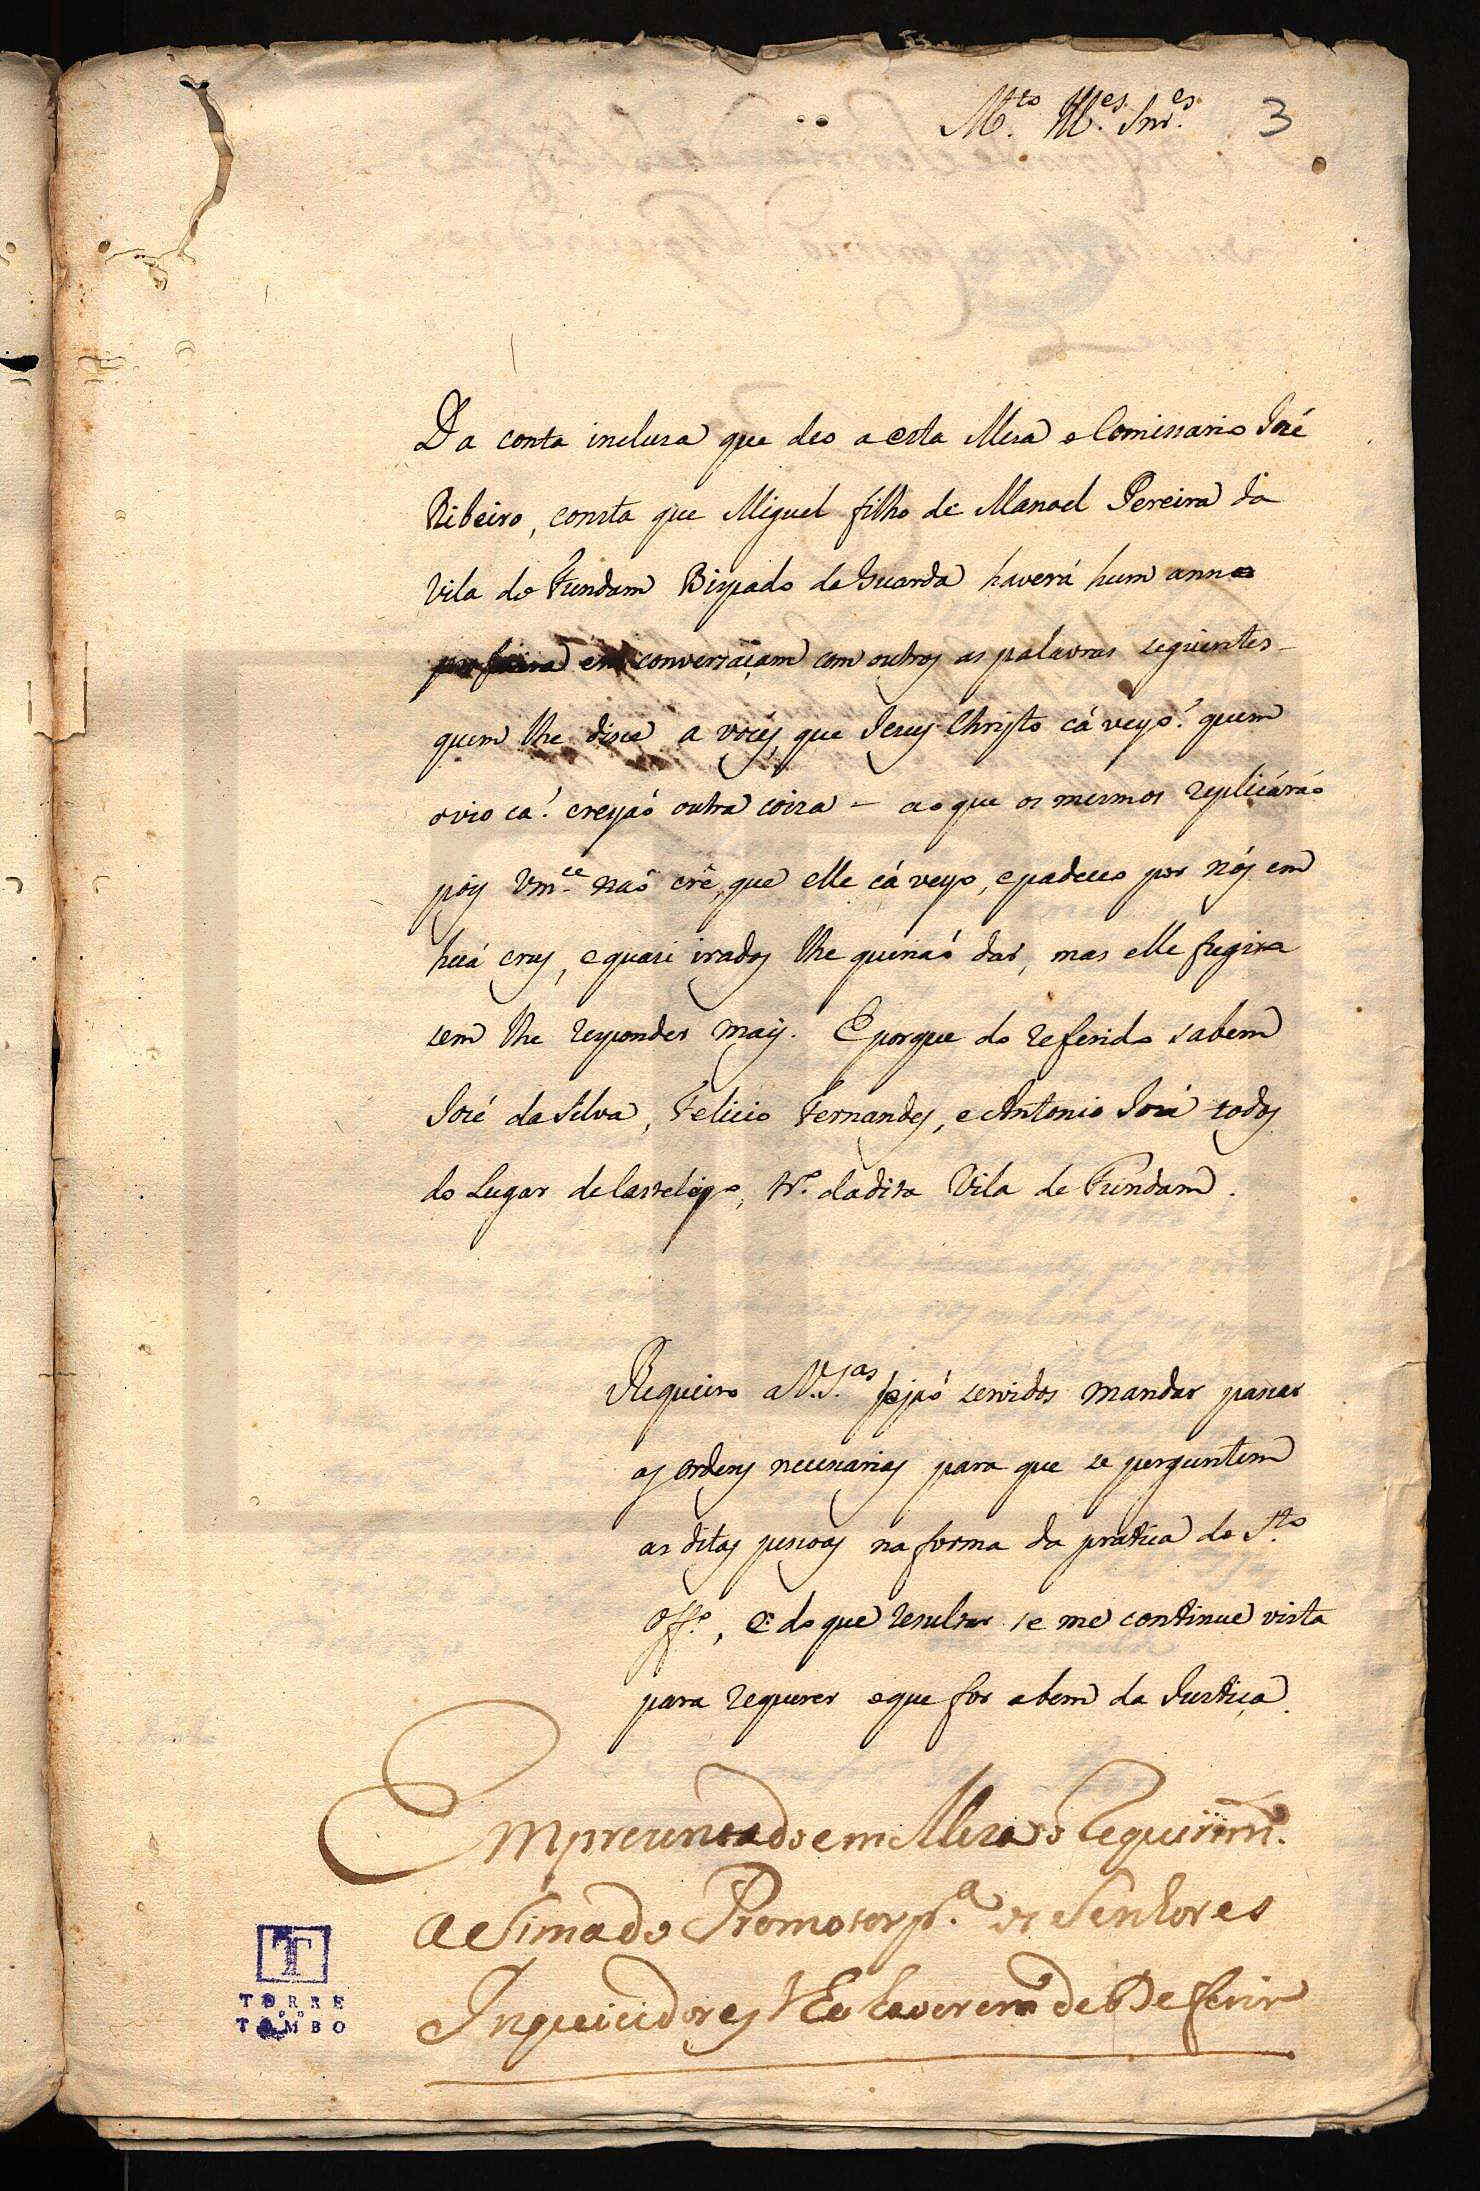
M.to Ill.es Snr.es
Da conta incluza que deo a esta Mesa o Comissario Iozé
Ribeiro, consta que Miguel filho de Manoel Pereira da
Vila do Fundam Bispado da Guarda haverá hum anno
proferira em conversaçam com outros as palavras seguintes
quem lhe disce a voces, que Iezus Christo cá veyo? quem
o vio ca? creyaõ outra coiza - ao que os mesmos replicáraõ
pois vm.ce naõ crê, que elle cá veyo, e padeceo por nós em
huā crus, e quasi irados lhe queriaõ dar, mas elle fugira
sem lhe responder mais. E porque do referido sabem
Iozé da Silva, Felicio Fernandes, e Antonio Iozé todos
do Lugar de Castelejo, tr.o da dita Vila do Fundam.
Requeiro a V.S.as sejaõ servidos mandar passar
as ordens necessarias para que se perguntem
as ditas pessoas na forma da pratica do s.to
Off.o e do que resultar se me continue vista
para requerer e que for a bem da Iustiça.
Em prezentado em Meza o Requerim.to
aSima do Promotor p.a os Senhores
Inquisidores lhe haverem de Deferir
